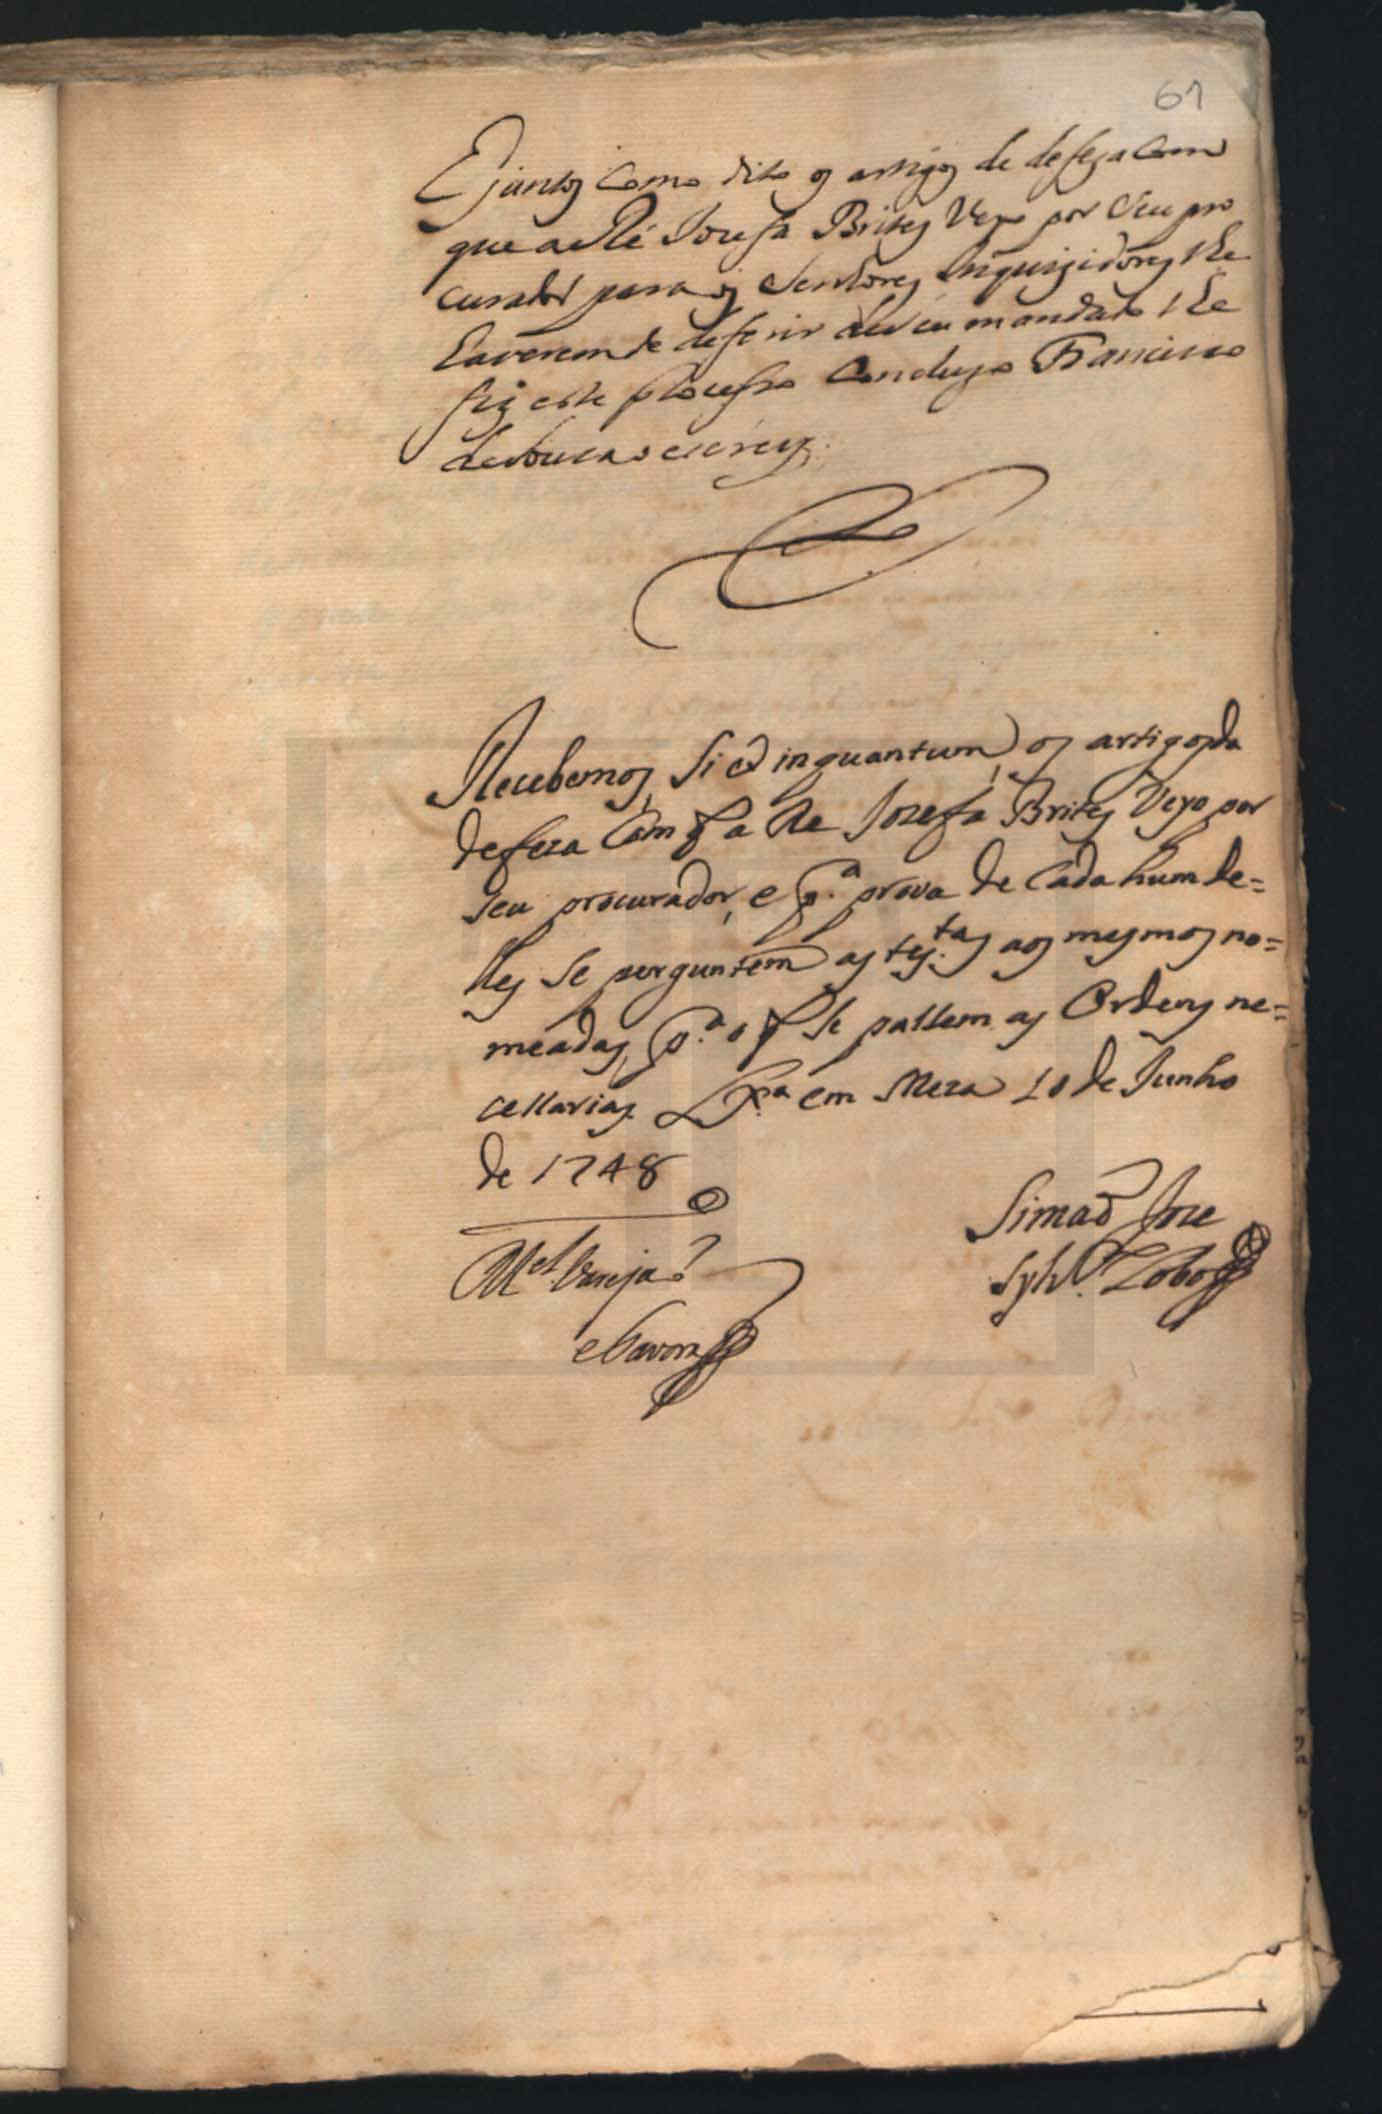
E juntos como dito os artigos de defeza com
que a Ré Iozefa Brites veyo por seu pro
curador pera os Senhores Inquizidores lhe
haverem de deferir de seu mandado lhe
fiz este pRocesso Concluzo Francisco
de souza o escreuj
Recebemos, si et in quantum os artigos da
defeza Com q̄ a Re Jozefa Brites veyo por
seu procurador, e p.a prova de Cada hum de
lles se perguntem as tes.tas aos mesmos no
meadas p.a o q̄ se passem as Ordens ne
cessarias Lx.a em Meza 10 de Iunho
de 1748
Simaõ Joze
M.el Varejaõ
Syl.o Lobo
e Tavora
